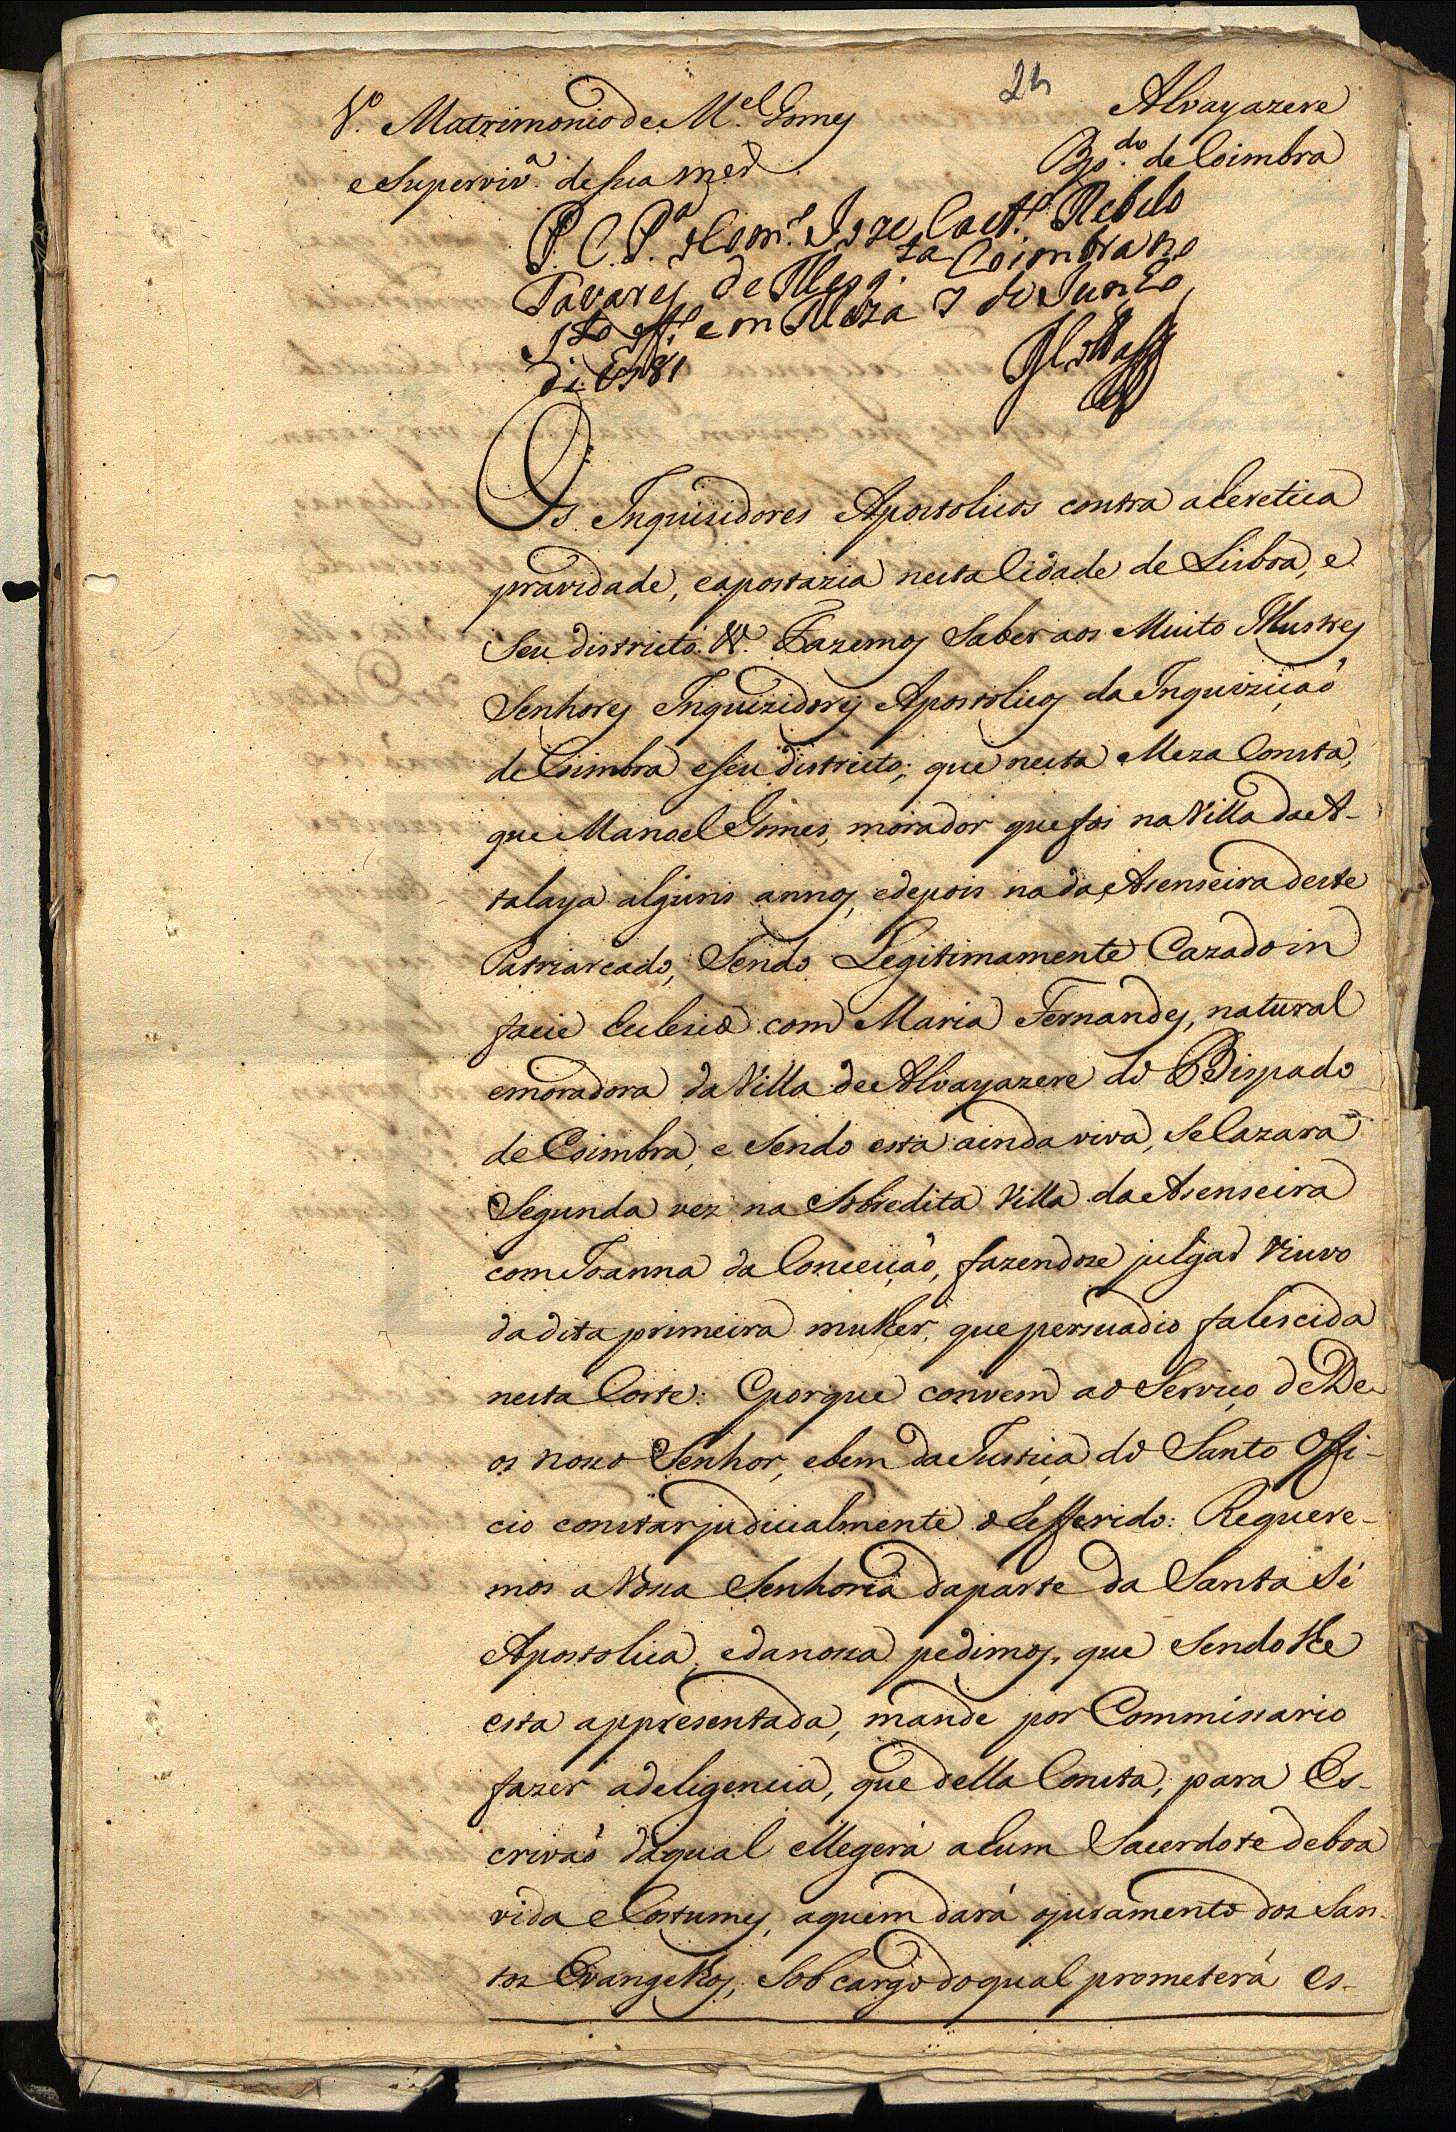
Alvayazere
Bp.do de Coimbra
1.o Matrimonio de M.el Gomes
e Superviv.a de sua m.er
P. C. P.a o Com.o Ioze Caet.o Rebelo
Tavares de Mesq.ta Coimbra no
S.to off.o em Meza 7 do Iunho
de 1781
Os Inquizidores Apostolicos contra a heretica
pravidade, e apostazia nesta Cidade de Lisboa, e
Seu districto &c. Fazemos Saber aos Muito Illustres
Senhores Inquizidores Apostolicos da Inquiziçaõ
de Coimbra e seu districto; que nesta Meza Consta,
que Manoel Gomes, morador que foi na Villa da A
talaya alguns annos, e depois na da Asenseira deste
Patriarcado, Sendo Legitimamente Cazado in
facie Eccleziæ com Maria Fernandes, natural
e moradora da Villa de Alvayazere do Bispado
de Coimbra, e sendo esta ainda viva, Se Cazara
Segunda vez na Sobredita Villa da Asenseira
com Ioanna da Conceiçaõ, fazendose julgar viuvo
da dita primeira mulher, que persuadio falescida
nesta Corte: E porque convem ao Serviço de De
os nosso Senhor, e bem da Iustiça do Santo Offi
cio constar judicialmente o Refferido: Requere
mos a Vossa Senhoria da parte da Santa Sé
Apostolica, e da nossa pedimos, que sendolhe
esta appresentada, mande por Commissario
fazer a deligencia, que della Consta, para Es
crivaõ da qual ellegera a hum Sacerdote de boa
vida e Costumes, a quem dará o juramento dos San
toz Evangelhos, sob cargo do qual prometerá es
